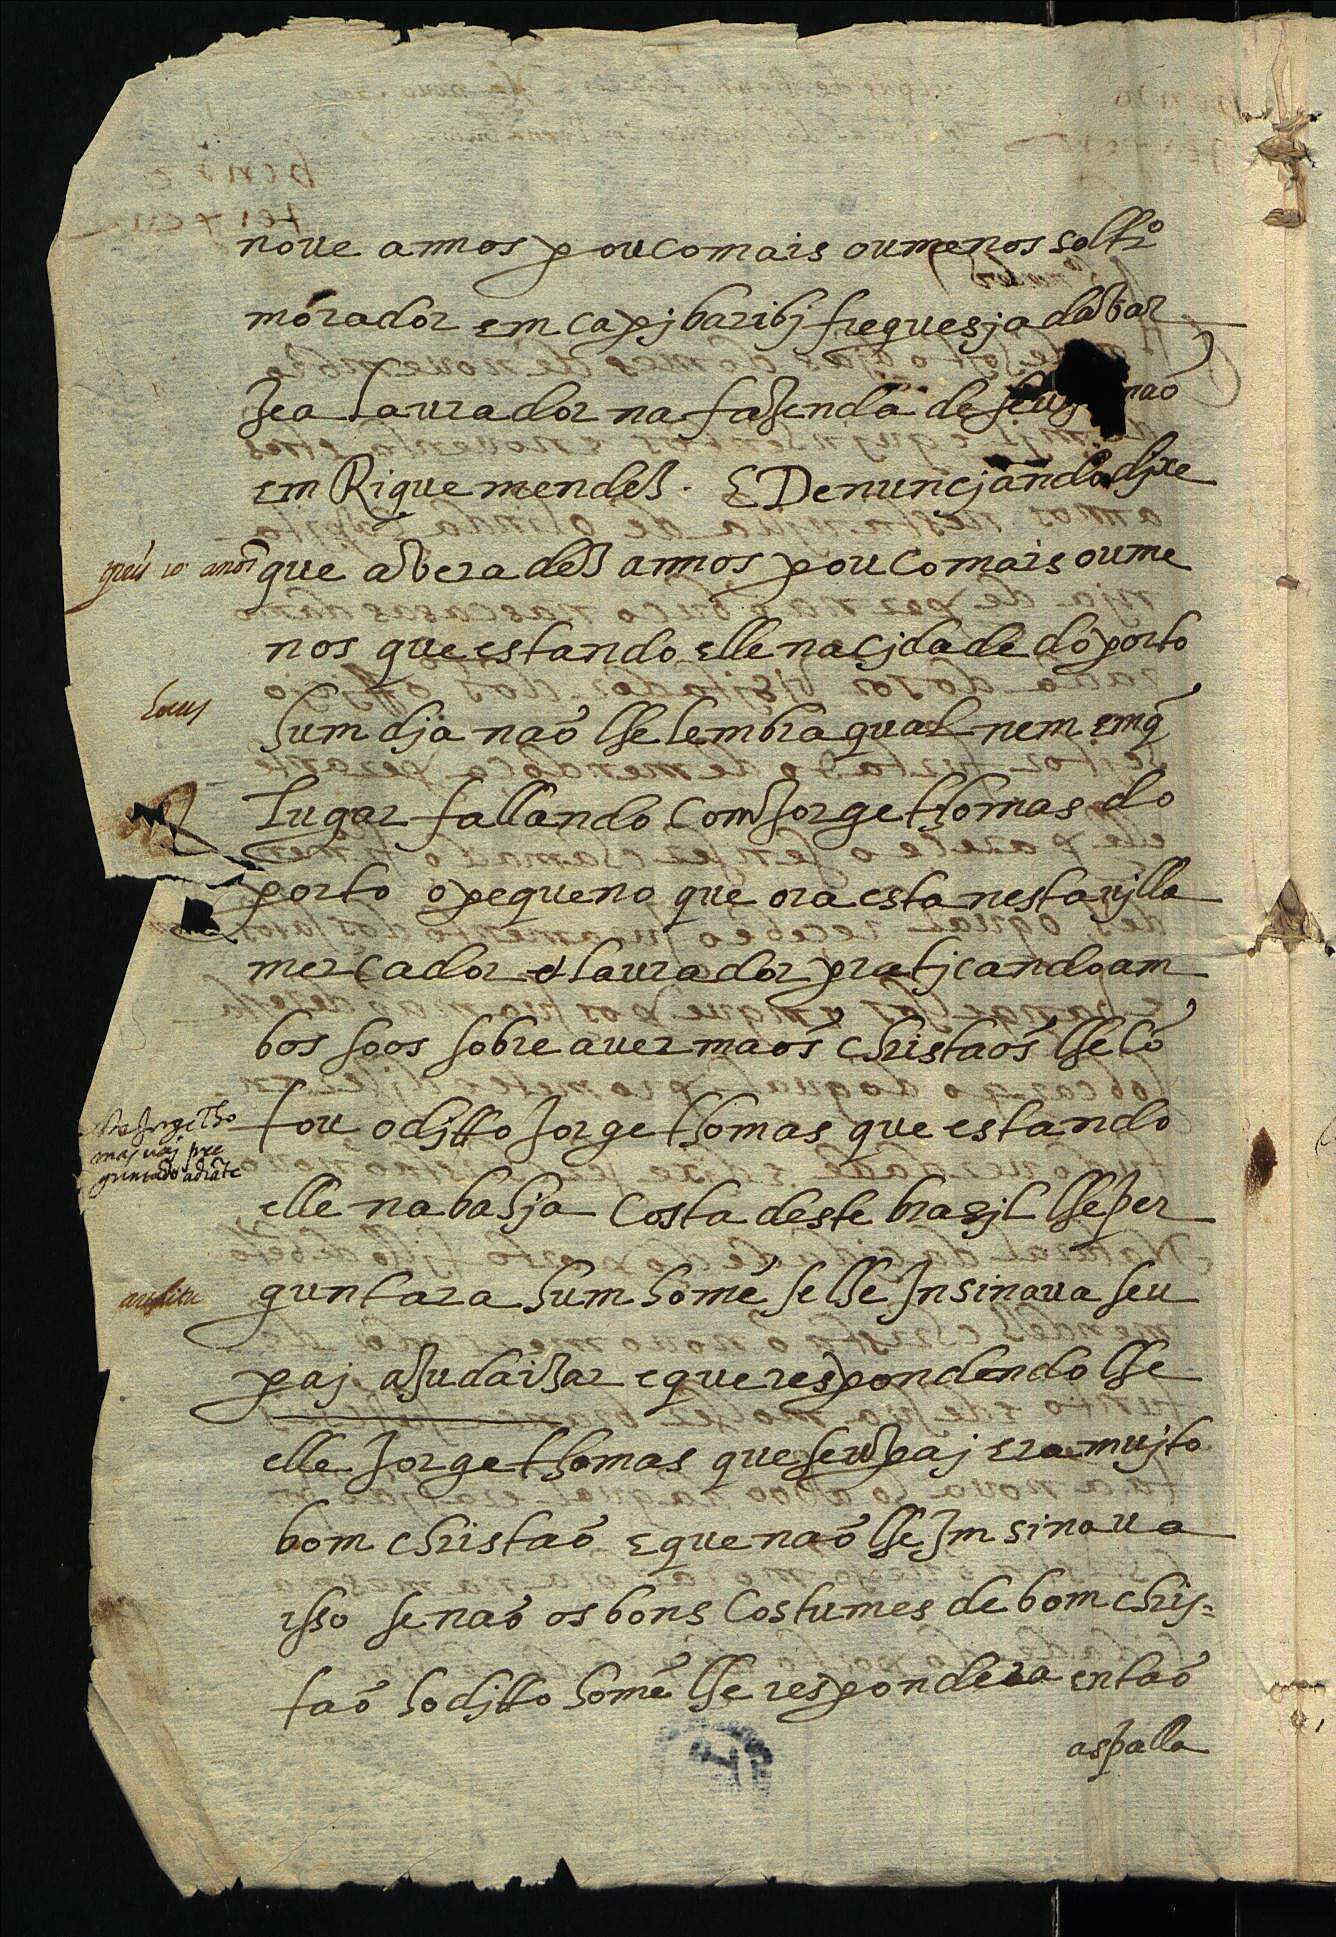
noue annos pouco mais ou menos soltro
morador em capjbaribj freguesja da var
zea Laurador na fazenda de seu __naõ
EmRique mendez. E Denuncjando djxe
que avera dez annos pouco mais ou me
nos que estando Elle na cjdade do porto
hum dja naõ lhe lembra qual nem em q̄
lugar fallando com Jorge thomas do
porto o pequeno que ora esta nesta ujlla
mercador & Laurador pratjcando am
bos soos sobre auer maos̄ christaos̄ lhe Cō
tou o djtto Jorge thomas que estando
elle na bahja Costa deste brasjl lhe per
guntara hum homē se lhe Jnsinaua seu
paj a Judaizar e que respondendo lhe
elle Jorge thomas que seu paj Era mujto
bom christaõ E que naõ lhe Jmsinaua
isso senaõ os bons Costumes de bom chris
taõ ho djtto homē lhe respondera entaõ
as palla
